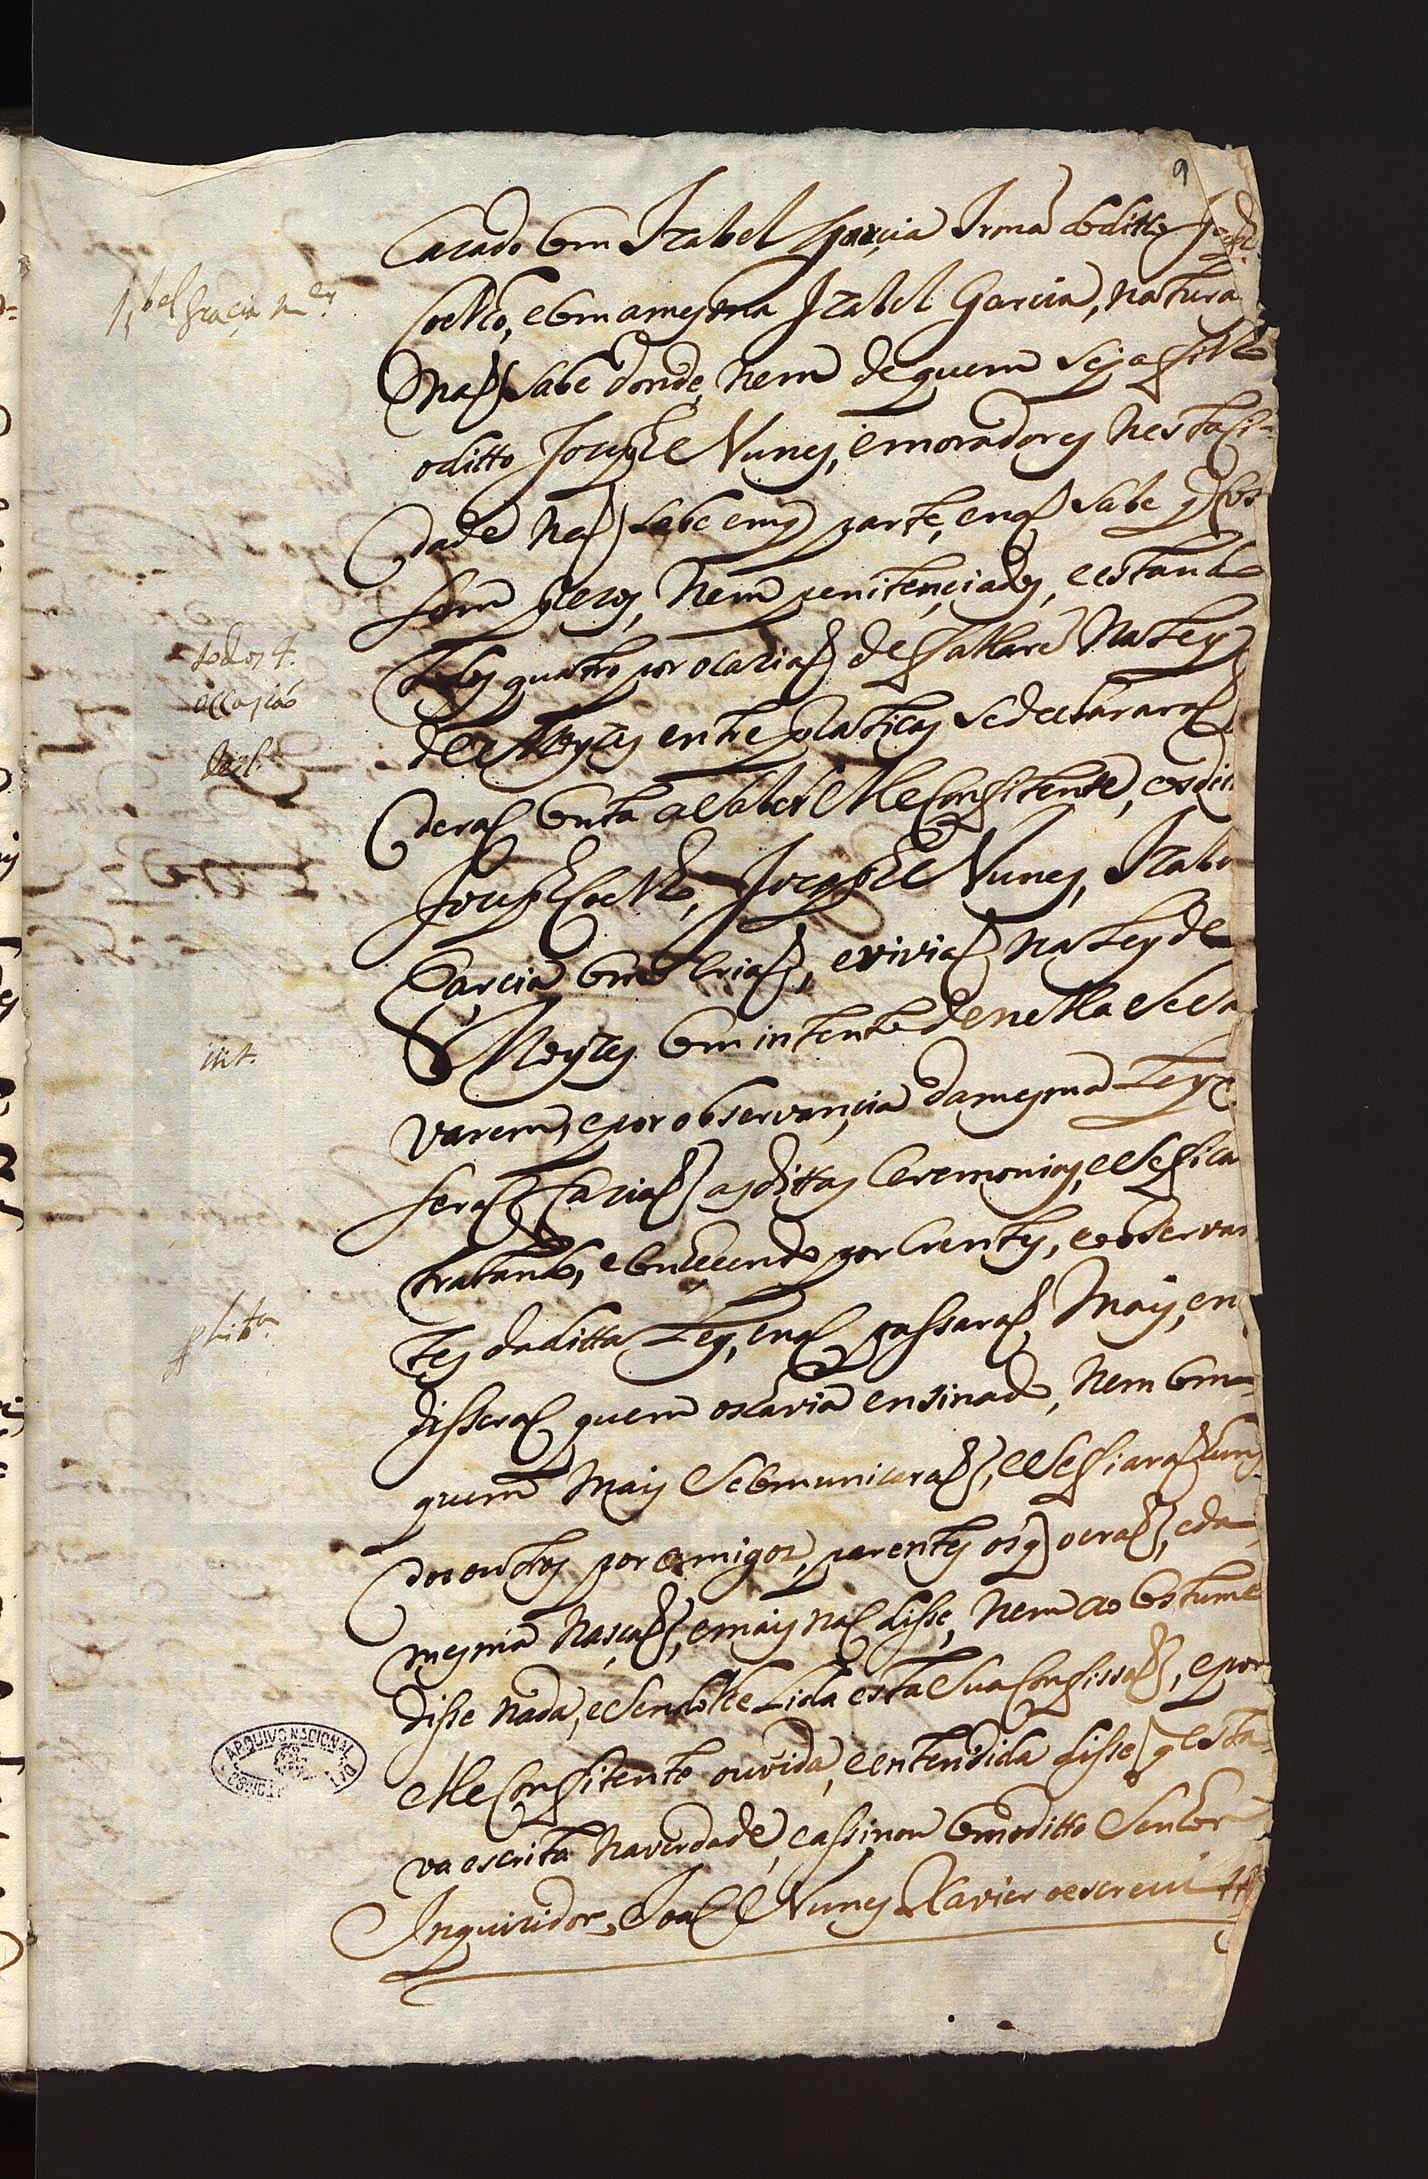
Cazado Com Izabel Garcia Irmã do ditto J
Coelho, e com a mesma Jzabel Garcia, natura
Izbel Gracia m.er
naõ sabe donde nem de quem seja filho
o ditto Jozeph Nunes, e moradores nesta Ci
dade naõ sabe em q̄ parte, e naõ sabe q̄ fos
sem pRezos, Nem penitenciados, e estando
todos quatro por ocaziaõ de fallarē Na Ley
todos 4.
occaziaõ
de Moyzes entre pRaticas se declararaõ
decl.
deraõ Conta a Saber elle Confitente, e os dit
Jozeph Coelho, Jozeph Nunes, Izabe
Garcia Como Criaõ, e viviaõ na Ley de
Moyzes Com intento de nella Se Sa
int.
varem, e por observancia da mesma Ley
seraõ faziaõ as dittas Ceremonias, e se fica
tratando, e conhecendo por Crentes, e observan
tes da ditta Ley, e naõ passaraõ mais, en
ꝑhib̄a.
disseraõ quem os havia ensinado, nem Com
quem mais Se comunicaraõ, e Se fiaraõ hun
dos outros por amigoz, parentes os q̄ o eraõ, e da
mesma nasçaõ, e mais naõ disse, nem ao Costume
disse nada, e Sendolhe Lida esta Sua Confissaõ, e por
elle Confitente ouvida, e entendida disse q̄ esta
va escrita na verdade, e assinou Com o ditto Senhor
Jnquizidor, Ioaõ Nunes Xavier o escreui
